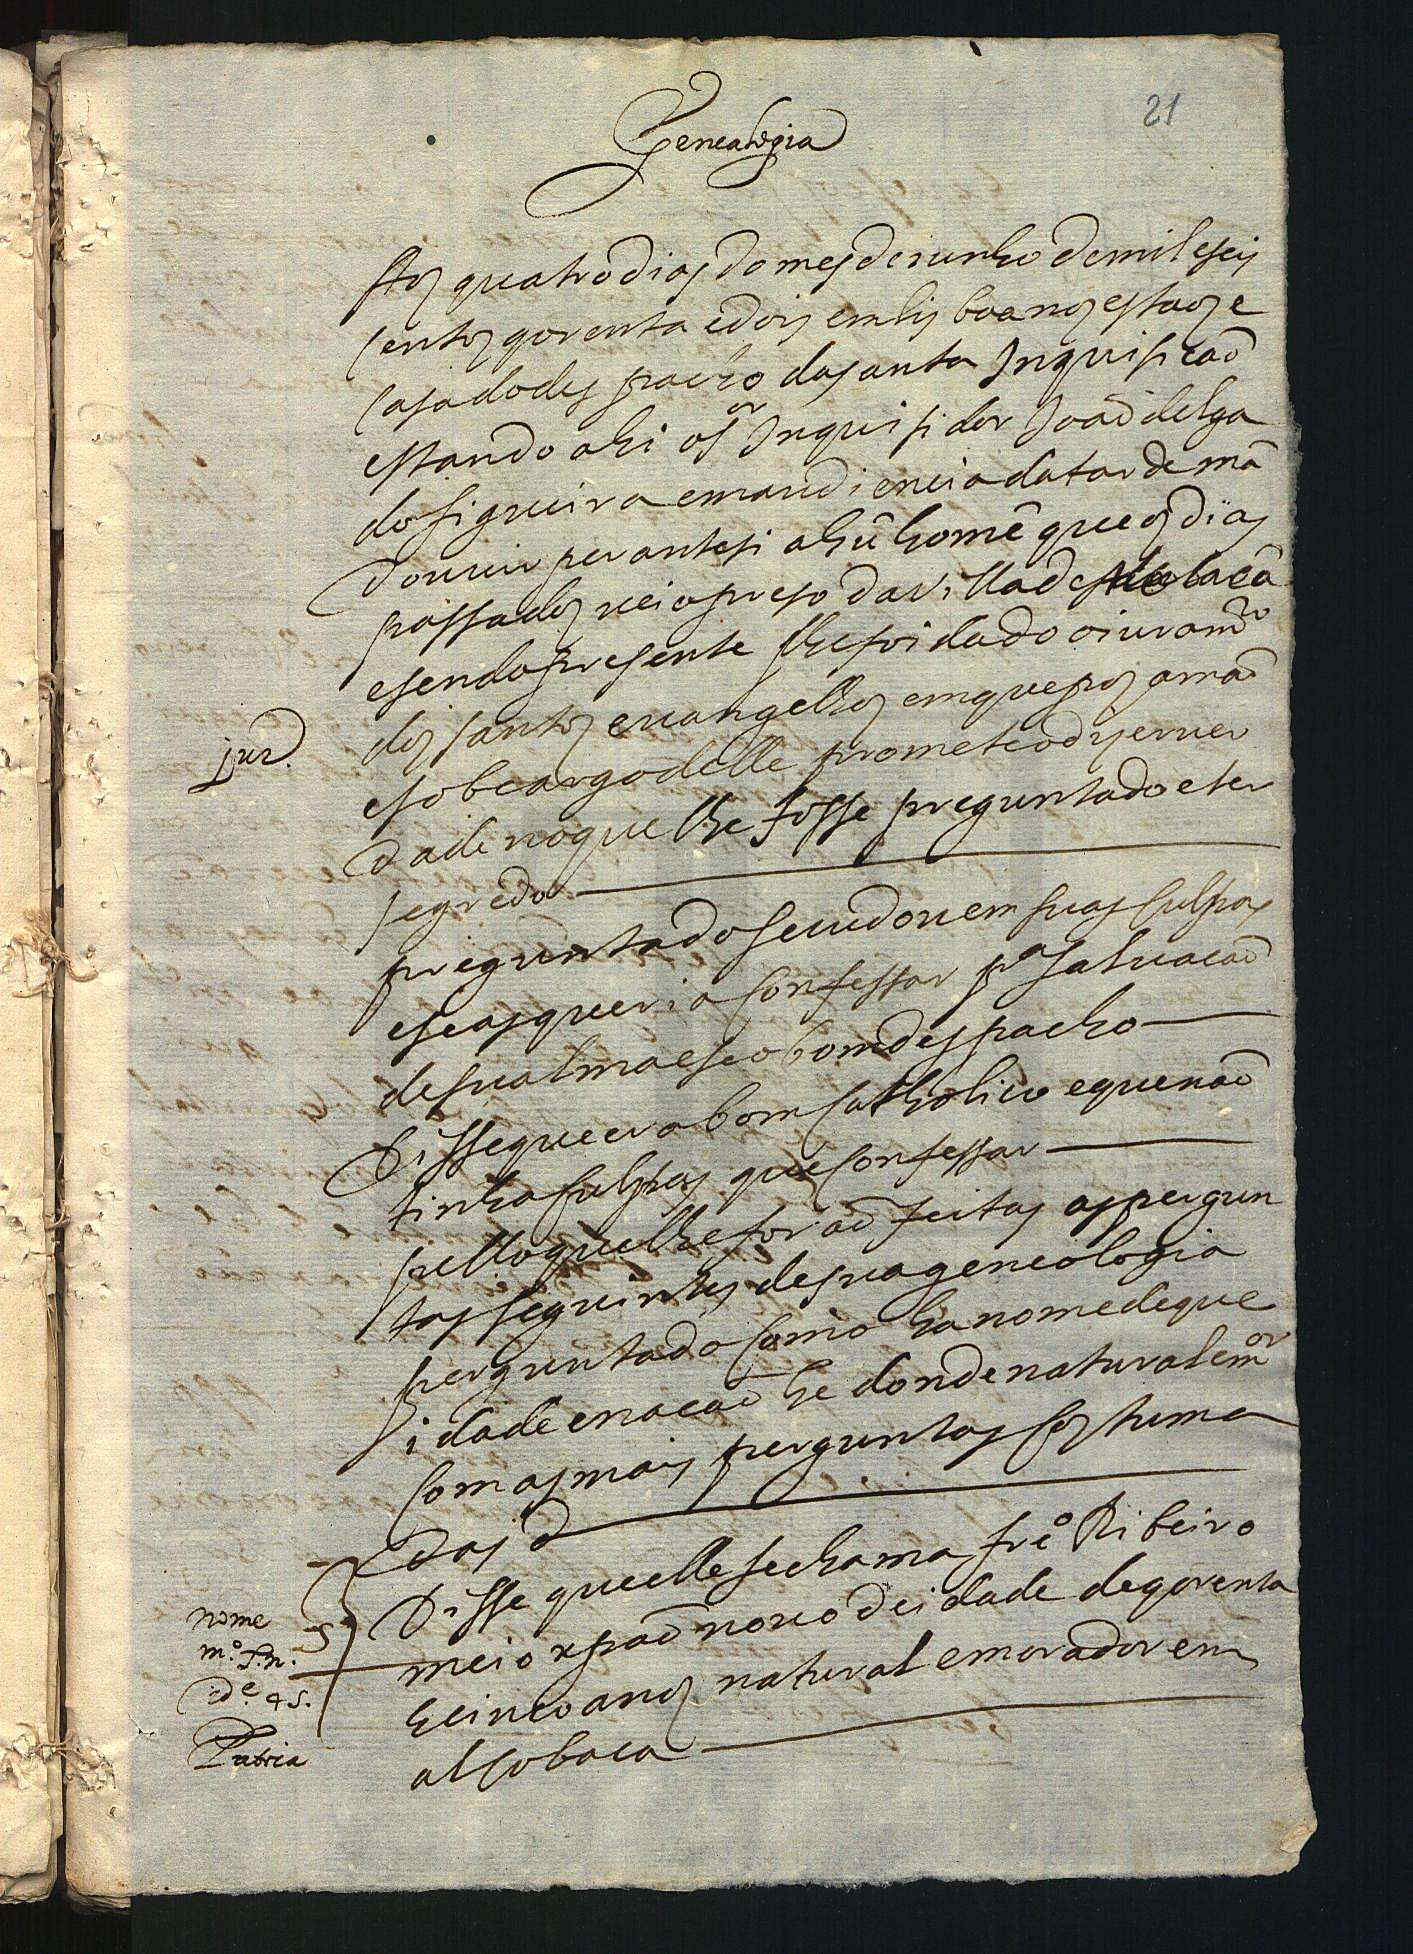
Genealogia
Aos quatro dias do mes de iunho de mil e seis
Centos qorenta e dois em lisboa nos estaos e
Casa do despacho da santa Jnquisicaõ
estando ahi o sor Jnquisidor Joaõ delga
do figueira em audiencia da tarde mā
dou uir perante si a hū homē que os dias
passados ueio preso da villa de Alcobaca
e sendo presente lhe foi dado o iuramto
dos santos euangelhos em que pos a maõ
e sob cargo delle prometeo dizer uer
dade no que lhe fosse preguntado e ter
segredo
preguntado se cudou em suas Culpas
e se as queria Confessar pa saluacaõ
de sualma e seo bom despacho -
Disse que era bom Catholico e que naõ
tinha Culpas que Confessar
pello que lhe foraõ feitas as pergun
tas seguintes de sua geneologia
perguntado Como ha nome de que
idade e nacaõ he donde natural e mor
Com as mais perguntas Costuma
das
Disse que elle se chama frco Ribeiro
meio xpaõ nouo de idade de qorenta
E cinco anos natural e morador em
alCobaca
jur.
nome
m.o x. n.
id.e 45.
Patria
